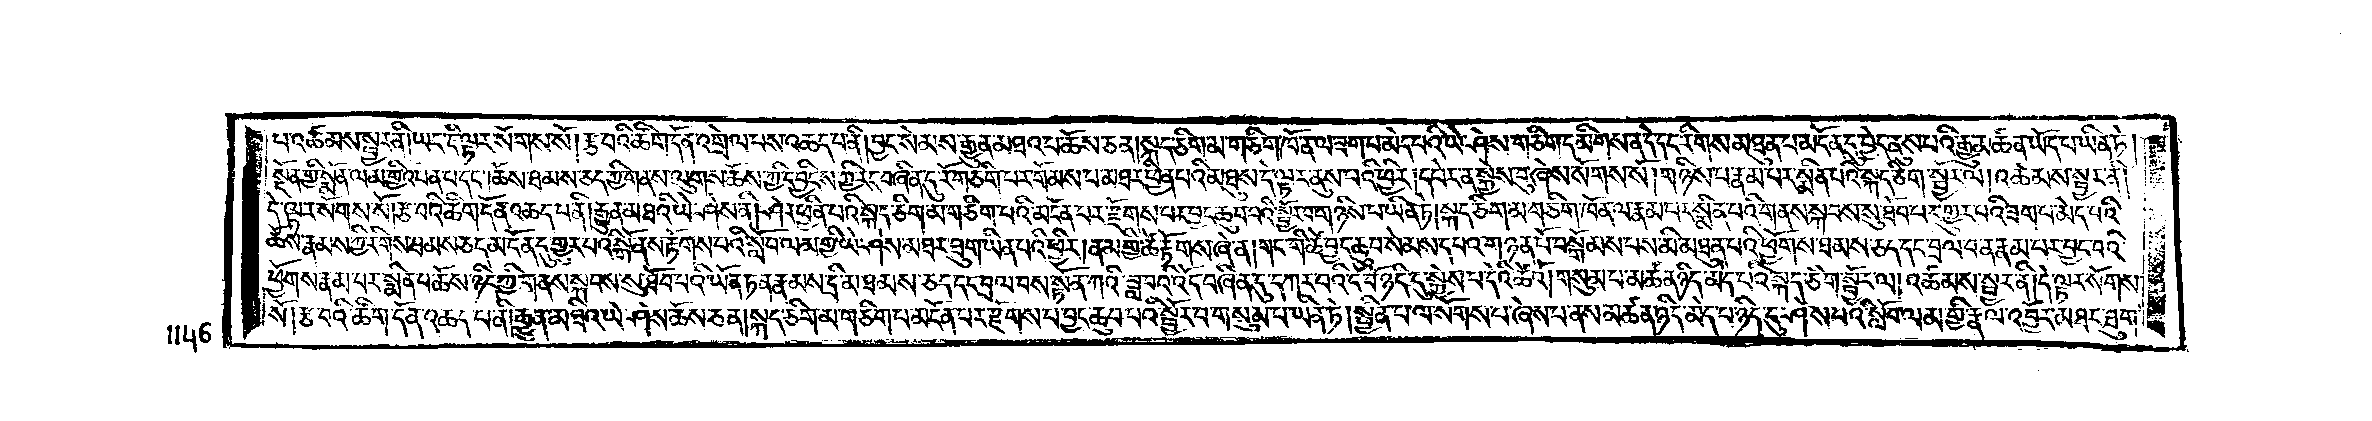པ་འཚམས་སྦྱར་ནི། ཡང་ཇི་ལྟར་སོགས་སོ། རྩ་བའི་ཚིག་དོན་འགྲེལ་བས་འཆད་པ་ནི། བྱང་སེམས་རྒྱུན་མཐའ་པ་ཆོས་ཅན། སྐད་ཅིག་མ་གཅིག་ཁོ་ན་ལ་ཟག་པ་མེད་པའི་ཡེ་ཤེས་གཅིག་དམིགས་ན་དེ་དང་རིགས་མཐུན་པ་མངོན་དུ་བྱེད་ནུས་པའི་རྒྱུ་མཚན་ཡོད་པ་ཡིན་ཏེ།
སྔོན་གྱི་སྨོན་ལམ་གྱི་འཕེན་པ་དང་། ཆོས་ཐམས་ཅད་ཀྱི་གནས་ལུགས་ཆོས་ཀྱི་དབྱིངས་ཀྱི་རང་བཞིན་དུ་རོ་གཅིག་པར་གོམས་པ་མཐར་ཕྱིན་པའི་མཐུས་དེ་ལྟར་ནུས་པའི་ཕྱིར། དཔེར་ན་སྐྱེས་བུ་ཞེས་སོགས་སོ། གཉིས་པ་རྣམ་པར་སྨིན་པའི་སྐད་ཅིག་སྦྱོར་ལ། འཚམས་སྦྱར་ནི།
དེ་ལྟར་སོགས་སོ། །རྩ་བའི་ཚིག་དོན་འཆད་པ་ནི། རྒྱུན་མཐའི་ཡེ་ཤེས་ནི། ཤེར་ཕྱིན་པའི་སྐད་ཅིག་མ་གཅིག་པའི་མངོན་པར་རྫོགས་པར་བྱང་ཆུབ་པའི་སྦྱོར་བ་གཉིས་པ་ཡིན་ཏེ། སྐད་ཅིག་མ་གཅིག་ཁོ་ན་ལ་རྣམ་པར་སྨིན་པའི་གནས་སྐབས་སུ་ཐོབ་པར་གྱུར་པའི་ཟག་པ་མེད་པའི་
ཆོས་རྣམས་ཀྱི་རིགས་ཐམས་ཅད་མངོན་དུ་གྱུར་པའི་སྒོ་ནས་རྟོགས་པའི་སློབ་ལམ་གྱི་ཡེ་ཤེས་མཐར་ཐུག་ཡིན་པའི་ཕྱིར། ནམ་གྱི་ཚེ་རྟོགས་ཞེ་ན། གང་གི་ཚེ་བྱང་ཆུབ་སེམས་དཔའ་གཉན་པོ་བསྒོམས་པས་མི་མཐུན་པའི་ཕྱོགས་ཐམས་ཅད་དང་བྲལ་བ་ན་རྣམ་པར་བྱང་བའི་
ཕྱོགས་རྣམ་པར་སྨིན་པ་ཆོས་ཉིད་ཀྱི་གནས་སྐབས་སུ་ཐོབ་པའི་ཡོན་ཏན་རྣམས་དྲི་མ་ཐམས་ཅད་དང་བྲལ་བས་སྟོན་ཀའི་ཟླ་བའི་འོད་བཞིན་དུ་དཀར་བའི་ངོ་བོ་ཉིད་དུ་སྐྱེས་པ་དེའི་ཚེའོ། གསུམ་པ་མཚན་ཉིད་མེད་པའི་སྐད་ཅིག་སྦྱོར་ལ། འཚམས་སྦྱར་ནི། དེ་ལྟར་སོགས་
སོ། རྩ་བའི་ཚིག་དོན་འཆད་པ་ནི། རྒྱུན་མཐའི་ཡེ་ཤེས་ཆོས་ཅན། སྐད་ཅིག་མ་གཅིག་པ་མངོན་པར་རྫོགས་པ་བྱང་ཆུབ་པའི་སྦྱོར་བ་གསུམ་པ་ཡིན་ཏེ། སྦྱིན་པ་ལ་སོགས་པ་ཞེས་པ་ནས་མཚན་ཉིད་མེད་པ་ཉིད་དུ་ཤེས་པའི་སློབ་ལམ་གྱི་རྣལ་འབྱོར་མཐར་ཐུག་